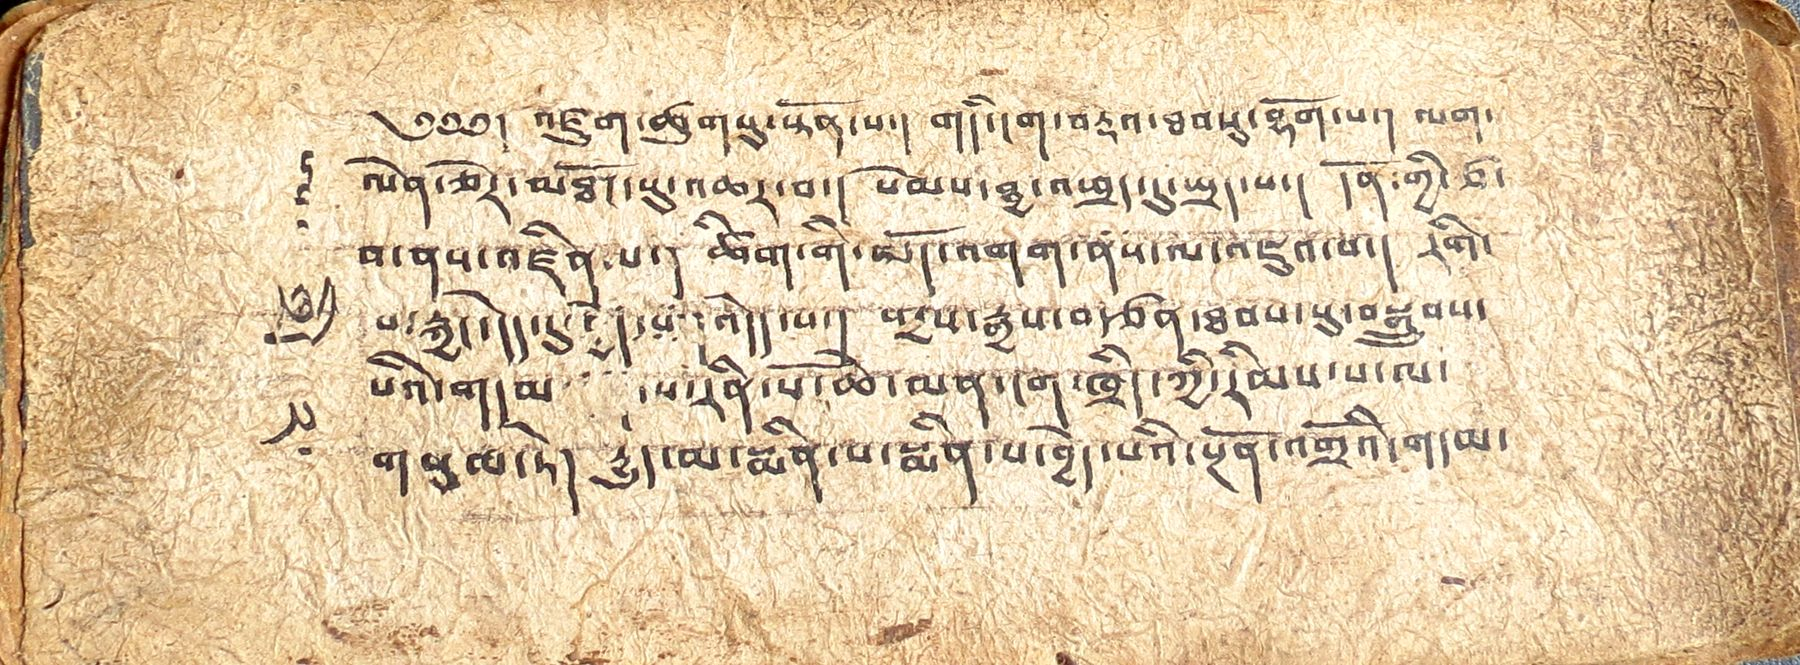མཛུབ་ཚུགས་སུ་སྟོན་པ། གདམས་ངག་བརྡའ་ཐབས་སུ་འབོག་པ། ལག་
ལེན་༼ཅར་ཕོག་ཏུ་བརྡེག་པ། ཡེ་ཤེས་གཅེར་མཐོང་དུ་འཆར་བ། སེམས་ཐུག་ཕྲད་དུ་སྤྲོད་པ། ༽ ཅེར་མཐོངས་སུ་འཆར་བ། དོན་གྱི་རྩ་
བ་ནས་འཛིན་པ། ཚིག་གི་མདོ་འགག་ནས་འཇུ་བ། རིག་
པ་རྐྱང་དེད་དུ་འདེད་པ། སངས་རྒྱས་བཙན་ཐབས་སུ་བསྒྲུབ་
པའི་གདམས། པ་རིན་པོ་ཆེ། མན་ངག་ཁྲིད་ཀྱི་རིམ་པ་ལ་
གསུམ་སྟེ། རྒྱུད་མ་སྨིན་པ་སྨིན་པར་བྱེད་པ་སྔོན་འགྲོའི་གདམས་